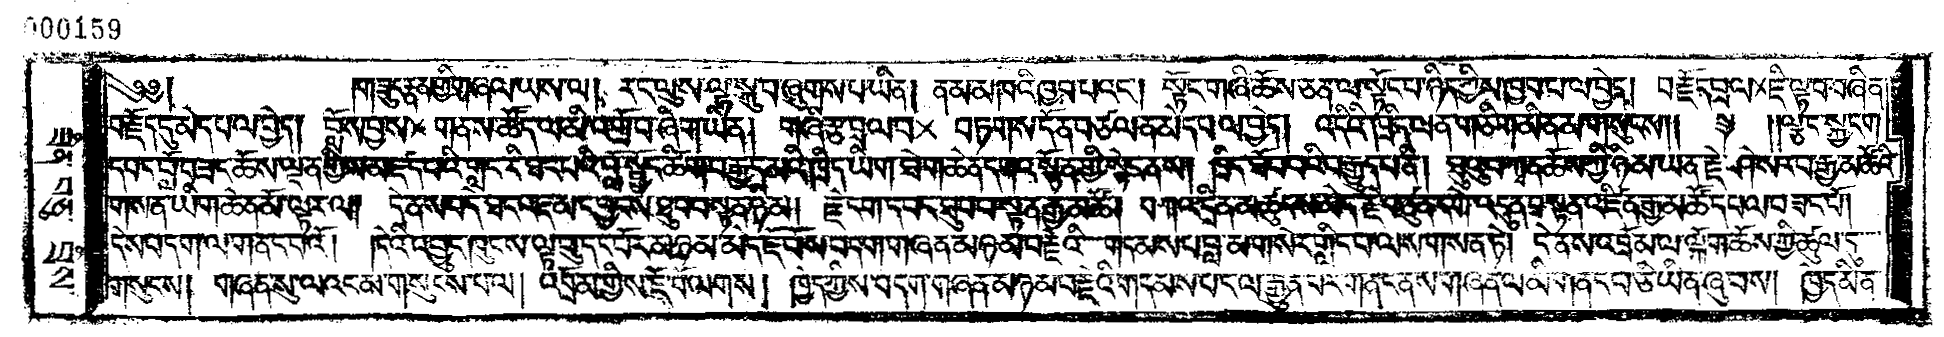༄༅། །གཟུང་རྣམ་གྱི་གཞལ་ཡས་ལ། རང་ལུས་ལྷ་སྐུ་བཞུགས་པ་ཡིན། ནམ་མཁའི་ཁྱབ་པའང་། སྟོང་གཞི་ཆོས་ཅན་ལ་སྟོང་པ་ཉིད་ཀྱིས་ཁྱབ་པ་ལ་བྱེད། བརྗོད་བྲལ྾་ཇི་ལྟ་བ་བཞིན་
བརྗོད་དུ་མེད་པ་ལ་བྱེད། བློས་བྱས྾་གནས་ཚོད་ལ་མི་འགྲོ་བ་ཞིག་ཡིན། གཞི་རྩ་བྲལ་བ྾་བཏགས་དོན་བཙལ་ན་མེད་པ་ལ་བྱེད། འདིའི་ཁྲིད་ལན་གཅིག་མིན་མ་གསུངས།། ༈ །།ལྕང་སྐྱ་ངག་
དབང་བློ་བཟང་ཆོས་ལྡན་གྱིས་མཛད་པའི་གླང་རི་ཐང་པའི་བློ་སྦྱོང་ཚིག་བརྒྱད་མའི་ཁྲིད་ཡིག་ཐེག་ཆེན་དགའ་སྟོན་གྱི་སྟེང་ནས། ཁྲིད་ཐོབ་པའི་བརྒྱུད་པ་ནི། ཐུའུ་བཀྭན་ཆོས་ཀྱི་ཉི་མ་ཡན་རྗེ་ཤེས་རབ་རྒྱ་མཚོའི་
གསན་ཡིག་ཆེན་མོ་ལྟར་ལ། དེ་ནས་བདེ་ཐང་འཇམ་དབྱངས་ཐུབ་བསྟན་ཉི་མ། རྗེ་ངག་དབང་ཐུབ་བསྟན་རྒྱ་མཚོ། བཀའ་དྲིན་མཚུངས་མེད་རྗེ་བཙུན་དགེ་འདུན་བསྟན་འཛིན་རྒྱ་མཚོ་དཔལ་བཟང་པོ།
དེས་བདག་ལ་གནང་བའོ། །དེའི་འབྱུང་ཁུངས་ལྟ་བུ་དང་པོར་མཉམ་མེད་ཇོ་བོས་བདག་གཞན་མཉམ་བརྗེའི་གདམས་པ་བླ་མ་གསེར་གླིང་བ་ལས་གསན་ཏེ། དེ་ནས་འབྲོམ་ལ་ལྐོག་ཆོས་ཀྱི་ཚུལ་དུ་
གསུངས། གཞན་སུ་ལའང་མ་གསུངས་པ་ལ། འབྲོམ་གྱིས་ཇོ་བོ་ལགས། ཁྱེད་ཀྱིས་བདག་གཞན་མཉམ་བརྗེའི་གདམས་པ་ང་ལ་རྒྱུན་པར་གནང་ནས་གཞན་ལ་མི་གནང་བ་ཅི་ཡིན་ཞུ་བས། ཁྱེད་མིན་